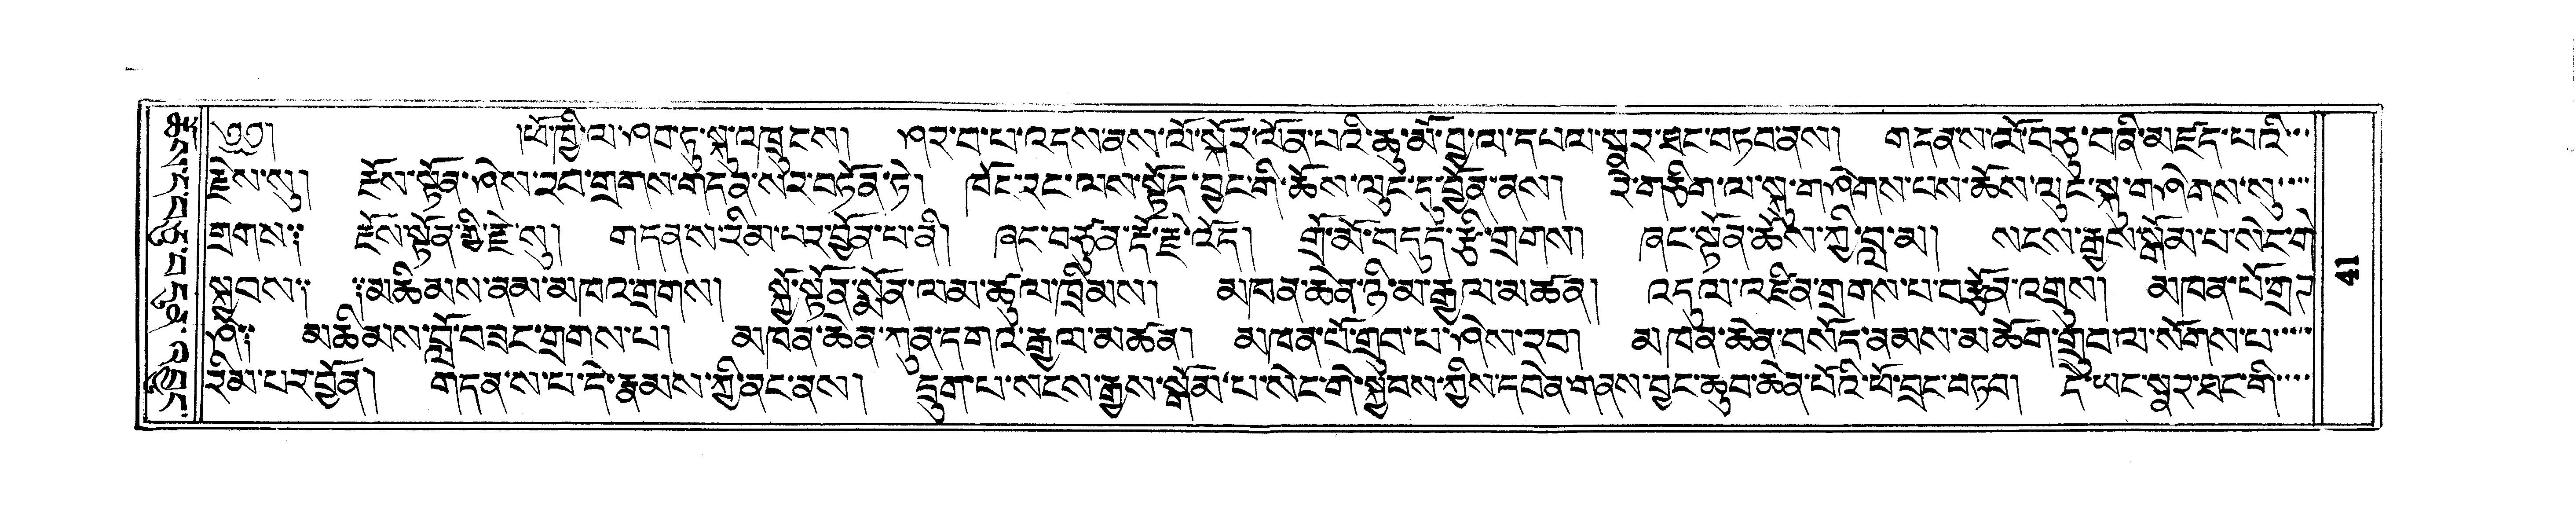༄༅། །ཕོ་ཁྱི་ལ་ཤབ་ཏུ་སྐུ་འཁྲུངས། ཤར་བ་པ་འདས་ནས་ལོ་སྐོར་ལོན་པའི་ཆུ་མོ་བྱ་ལ་དཔལ་སྣར་ཐང་བཏབ་ནས། གདན་ས་ལོ་བཅུ་བཞི་མཛད་པའི་
རྗེས་སུ། རྔོས་སྟོན་ཤེས་རབ་གྲགས་གདན་སར་བཏོན་ཏེ། ཁོང་རང་ལས་སྟོད་བྱང་གི་ཆོས་ལུང་དུ་བྱོན་ནས། རེ་གཅིག་ལ་སྐུ་གཤེགས་པས་ཆོས་ལུང་སྐུ་གཤེགས་སུ་
གྲགས༑ རྔོས་སྟོན་གྱི་རྗེ་སུ། གདན་ས་རིམ་པར་བྱོན་པ་ནི། ཞང་བཙུན་རྡོ་རྗེ་འོད། གྲོ་མོ་བདུད་རྩི་གྲགས། ཞང་སྟོན་ཆོས་ཀྱི་བླ་མ། སངས་རྒྱས་སྒོམ་པ་སེང་གེ་
སྐྱབས༑ ༑མཆིམས་ནམ་མཁའ་གྲགས། སྐྱོ་སྟོན་སྨོན་ལམ་ཚུལ་ཁྲིམས། མཁན་ཆེན་ཉི་མ་རྒྱལ་མཚན། འདུལ་འཛིན་གྲགས་པ་བརྩོན་འགྲུས། མཁན་པོ་གྲཌ་
ཤི༑ མཆིམས་བློ་བཟང་གྲགས་པ། མཁན་ཆེན་ཀུན་དགའ་རྒྱལ་མཚན། མཁན་པོ་གྲུབ་པ་ཤེས་རབ། མཁན་ཆེན་བསོད་ནམས་མཆོག་གྲུབ་ལ་སོགས་པ་
རིམ་པར་བྱོན། གདན་ས་པ་དེ་རྣམས་ཀྱི་ནང་ནས། དྲུག་པ་སངས་རྒྱས་སྒོམ་པ་སེང་གེ་སྐྱབས་ཀྱིས་དབེན་གནས་བྱང་ཆུབ་ཆེན་པོའི་ཕོ་བྲང་བཏབ། དེ་ཡང་སྣར་ཐང་གི་